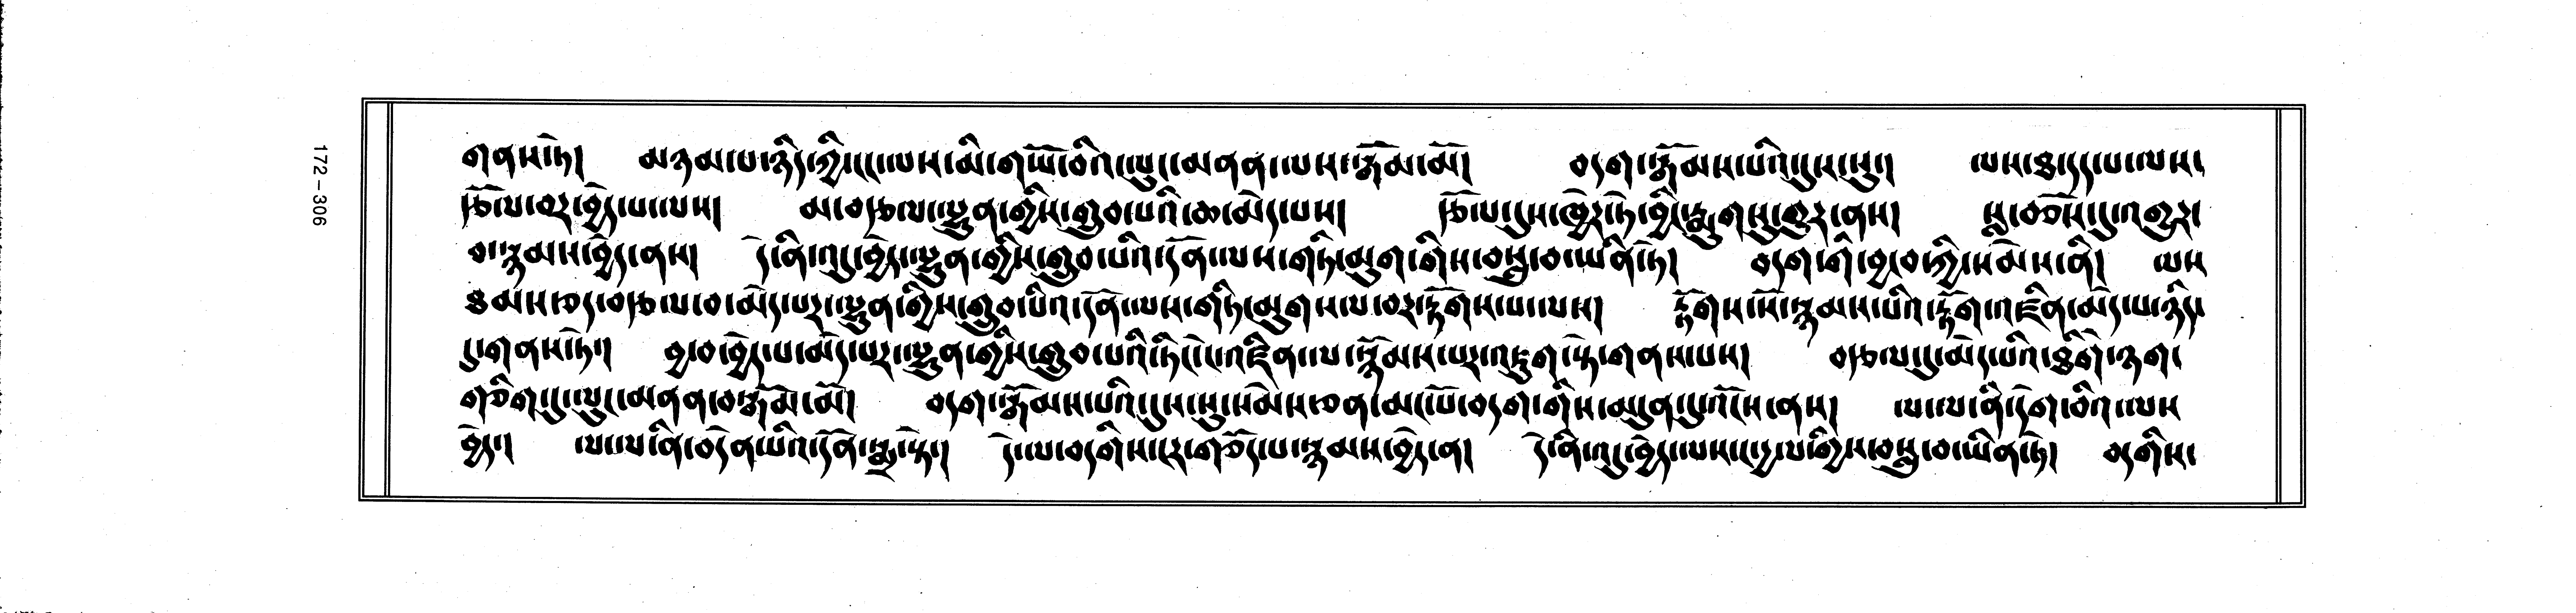གནས་ཏེ། མཉམ་པ་ཉིད་ཀྱི་ངང་ལས་མི་གཡོ་བའི་ལུང་མནན་ལས་སྒོམ་མོ། བདག་སྒོམས་པའི་དུས་སུ། ལས་ཐ་དད་པ་ལས་
རྩོལ་བར་བྱེད་པ་ལས། མ་བརྩལ་ལྷུན་གྱིས་གྲུབ་པའི་ཆ་མེད་པས། རྩོལ་དུས་ཁྱེར་ཏེ་བྱིང་རྨུགས་སུ་གྱུར་ནས། སླ་བཅོས་དུ་འགྱུར་
བ་སྙམས་བྱེད་ནས། དེ་ནི་འདུ་བྱེད་ལྷུན་གྱིས་གྲུབ་པའི་དོན་ལས་གཏི་མུག་གི་བསླུ་བ་ཡིན་ཏེ། བདག་གི་བྱང་ཆུབ་ཀྱིས་སེམས་ནི། ལས་
ཐམས་ཅད་བརྩལ་བ་མེད་པར་ལྷུན་གྱིས་གྲུབ་པའི་དོན་ལས་གཏི་མུག་གསལ་བར་རྟོགས་པ་ལས། རྟོགས་སོ་སྙམས་པའི་རྟོགས་འཛིན་མེད་པ་ཉིད་
དུ་གནས་ཏེ། བྱ་ང་བྱེད་པ་མེད་པར་ལྷུན་གྱིས་གྲུབ་པའི་ཏིང་ངེ་འཛིན་ལ་སྙོམས་པར་འཇུག་སྟེ་གནས་པས། བརྩལ་དུ་མེད་པའི་ཐིག་ལེ་ཉག་
གཅིག་དུ་ལུང་མནན་བསྒོམ་མོ། བདག་སྒོམས་པའི་དུས་སུ་སེམས་ཅན་མང་པོ་བདག་གིས་མདུན་དུ་འོངས་ནས། ལ་ལ་ནི་དགེ་བའི་ལས་
བྱེད། ལ་ལ་ནི་བདེན་པའི་དོན་སྨྲ་སྟེ། དེ་ལ་བདག་གིས་ངར་གཅོད་པ་སྙམས་བྱེད་ན། དེ་ནི་འདུ་བྱེད་ལས་ང་རྒྱལ་གྱིས་བསླུ་བ་ཡིན་ཏེ། བདག་གིས་